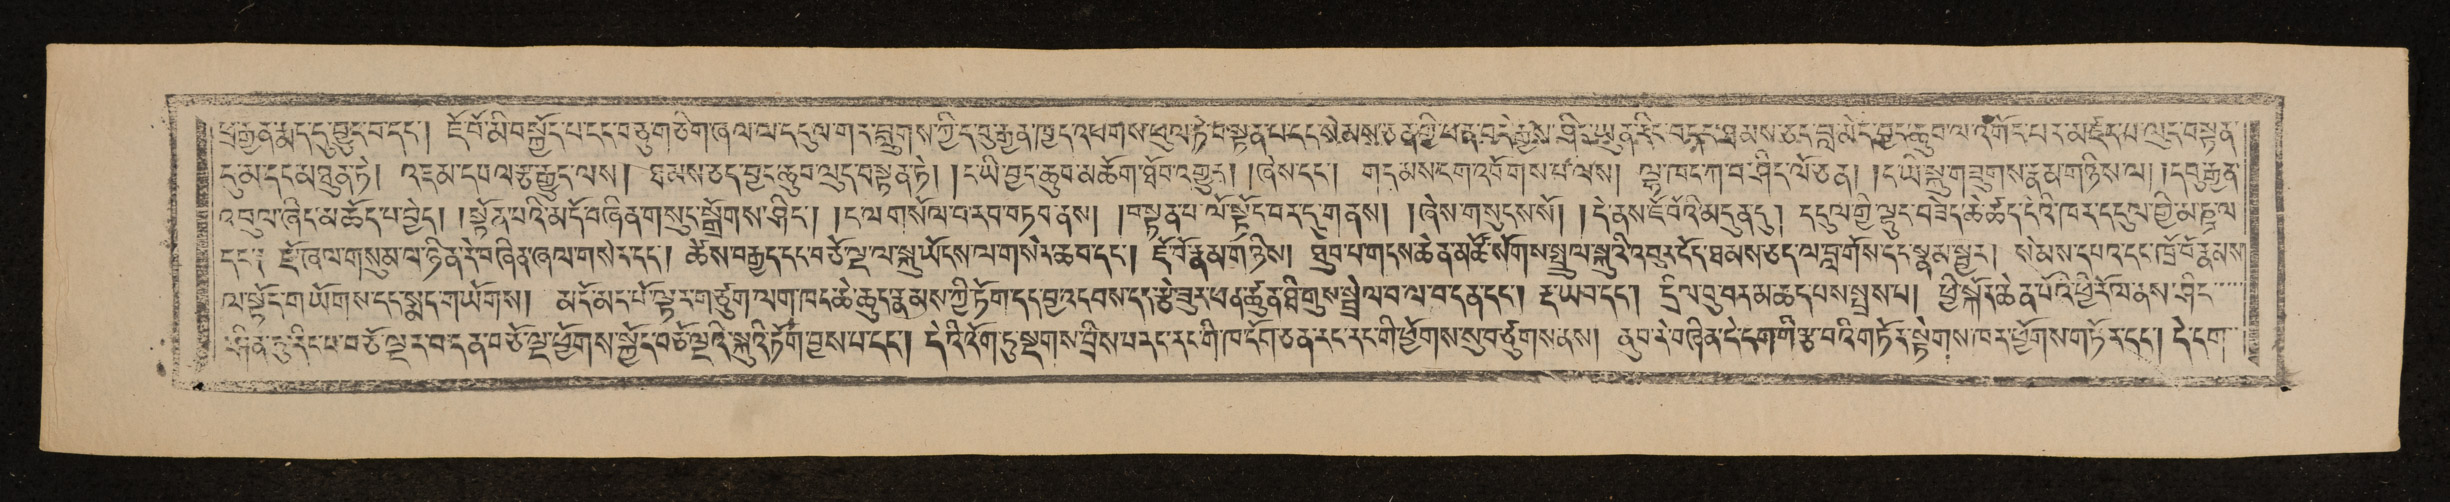ཕྲ་རྒྱན་རྨད་དུ་བྱུང་བ་དང་། ཇོ་བོ་མི་བསྐྱོད་པ་དང་བཅུ་གཅིག་ཞལ་ལ་དངུལ་གར་བླུགས་ཀྱི་དབུ་རྒྱན་ཁྱད་འཕགས་ཕུལ་ཏེ་བསྟན་པ་དང་སེམས་ཅན་གྱི་ཕན་བདེ་རྒྱས་ཤིང་ཡུན་རིང་བ་དང་ཐམས་ཅད་བླ་མེད་བྱང་ཆུབ་ལ་འགོང་པར་མཛད་པ་ལུང་བསྟན་
དུ་མ་དང་མཐུན་ཏེ། འཇམ་དཔལ་རྩ་རྒྱུད་ལས། ཐམས་ཅད་བྱང་ཆུབ་ལུང་བསྟན་ཏེ། །ང་ཡི་བྱང་ཆུབ་མཆོག་ཐོབ་འགྱུར། །ཞེས་དང་། གདམས་ངག་འབོགས་པ་ལས། ལྷ་ཁང་ཀ་བ་ཤིང་ལོ་ཅན། །ང་ཡི་སྐུ་གཟུགས་རྣམ་གཉིས་ལ། །དབུ་རྒྱན་
འབུལ་ཞིང་མཆོད་པ་བྱེད། །སྟོན་པའི་མདོ་བཞིན་གསུང་སྒྲོགས་ཤིང་། །ང་ལ་གསོལ་བ་རབ་བཏབ་ནས། །བསྟན་པ་ལོ་སྟོང་བར་དུ་གནས། །ཞེས་གསུངས་སོ། །དེ་ནས་ཇོ་བོའི་མདུན་དུ། དངུལ་གྱི་ལྷུང་བཟེད་ཆེ་ཚད་དེའི་ཁར་དངུལ་གྱི་མཎྜལ་
དང༑ ཇོ་ཞལ་གསུམ་ལ་ཉིན་རེ་བཞིན་ཞལ་གསེར་དང་། ཚེས་བརྒྱད་དང་བཅོ་ལྔ་ལ་སྐུ་ཡོངས་ལ་གསེར་ཆབ་དང་། ཇོ་བོ་རྣམ་གཉིས། ཐུབ་པ་གངས་ཆེན་མཚོ་སོགས་སྤྲུལ་སྐུའི་འབུར་དོད་ཐམས་ཅད་ལ་བླ་གོས་དང་སྣམ་སྦྱར། སེམས་དཔའ་དང་ཁྲོ་བོ་རྣམས་
ལ་སྟོད་གཡོགས་དང་སྨད་གཡོགས། མདོ་མང་པོ་ལྟར་གཙུག་ལག་ཁང་ཆེ་ཆུང་རྣམས་ཀྱི་ཏོག་དང་བྱ་འདབས་དང་རྩེ་ཟུར་ཕན་ཚུན་ཐི་གུས་སྦྲེལ་བ་ལ་བ་དན་དང་། རྔ་ཡབ་དང་། དྲིལ་བུ་བར་མ་ཆད་པས་སྤྲས་པ། ཕྱི་སྐོར་ཆེན་པོའི་ཕྱི་རོལ་ནས་ཤིང་
ཤིན་ཏུ་རིང་ང་བཅོ་ལྔར་བ་དན་བཅོ་ལྔ་ཕྱོགས་སྐྱོང་བཅོ་ལྔའི་སྐུའི་ཏོག་བྱས་པ་དང་། དེའི་འོག་ཏུ་སྔགས་བྲིས་པ་རང་རང་གི་ཁ་དོག་ཅན་རང་རང་གི་ཕྱོགས་སུ་བཙུགས་ནས། ནུབ་རེ་བཞིན་དེ་དག་གི་རྩ་བའི་གཏོར་སྟེགས་ཁར་ཕྱོགས་གཏོར་དང་། དེ་དག་